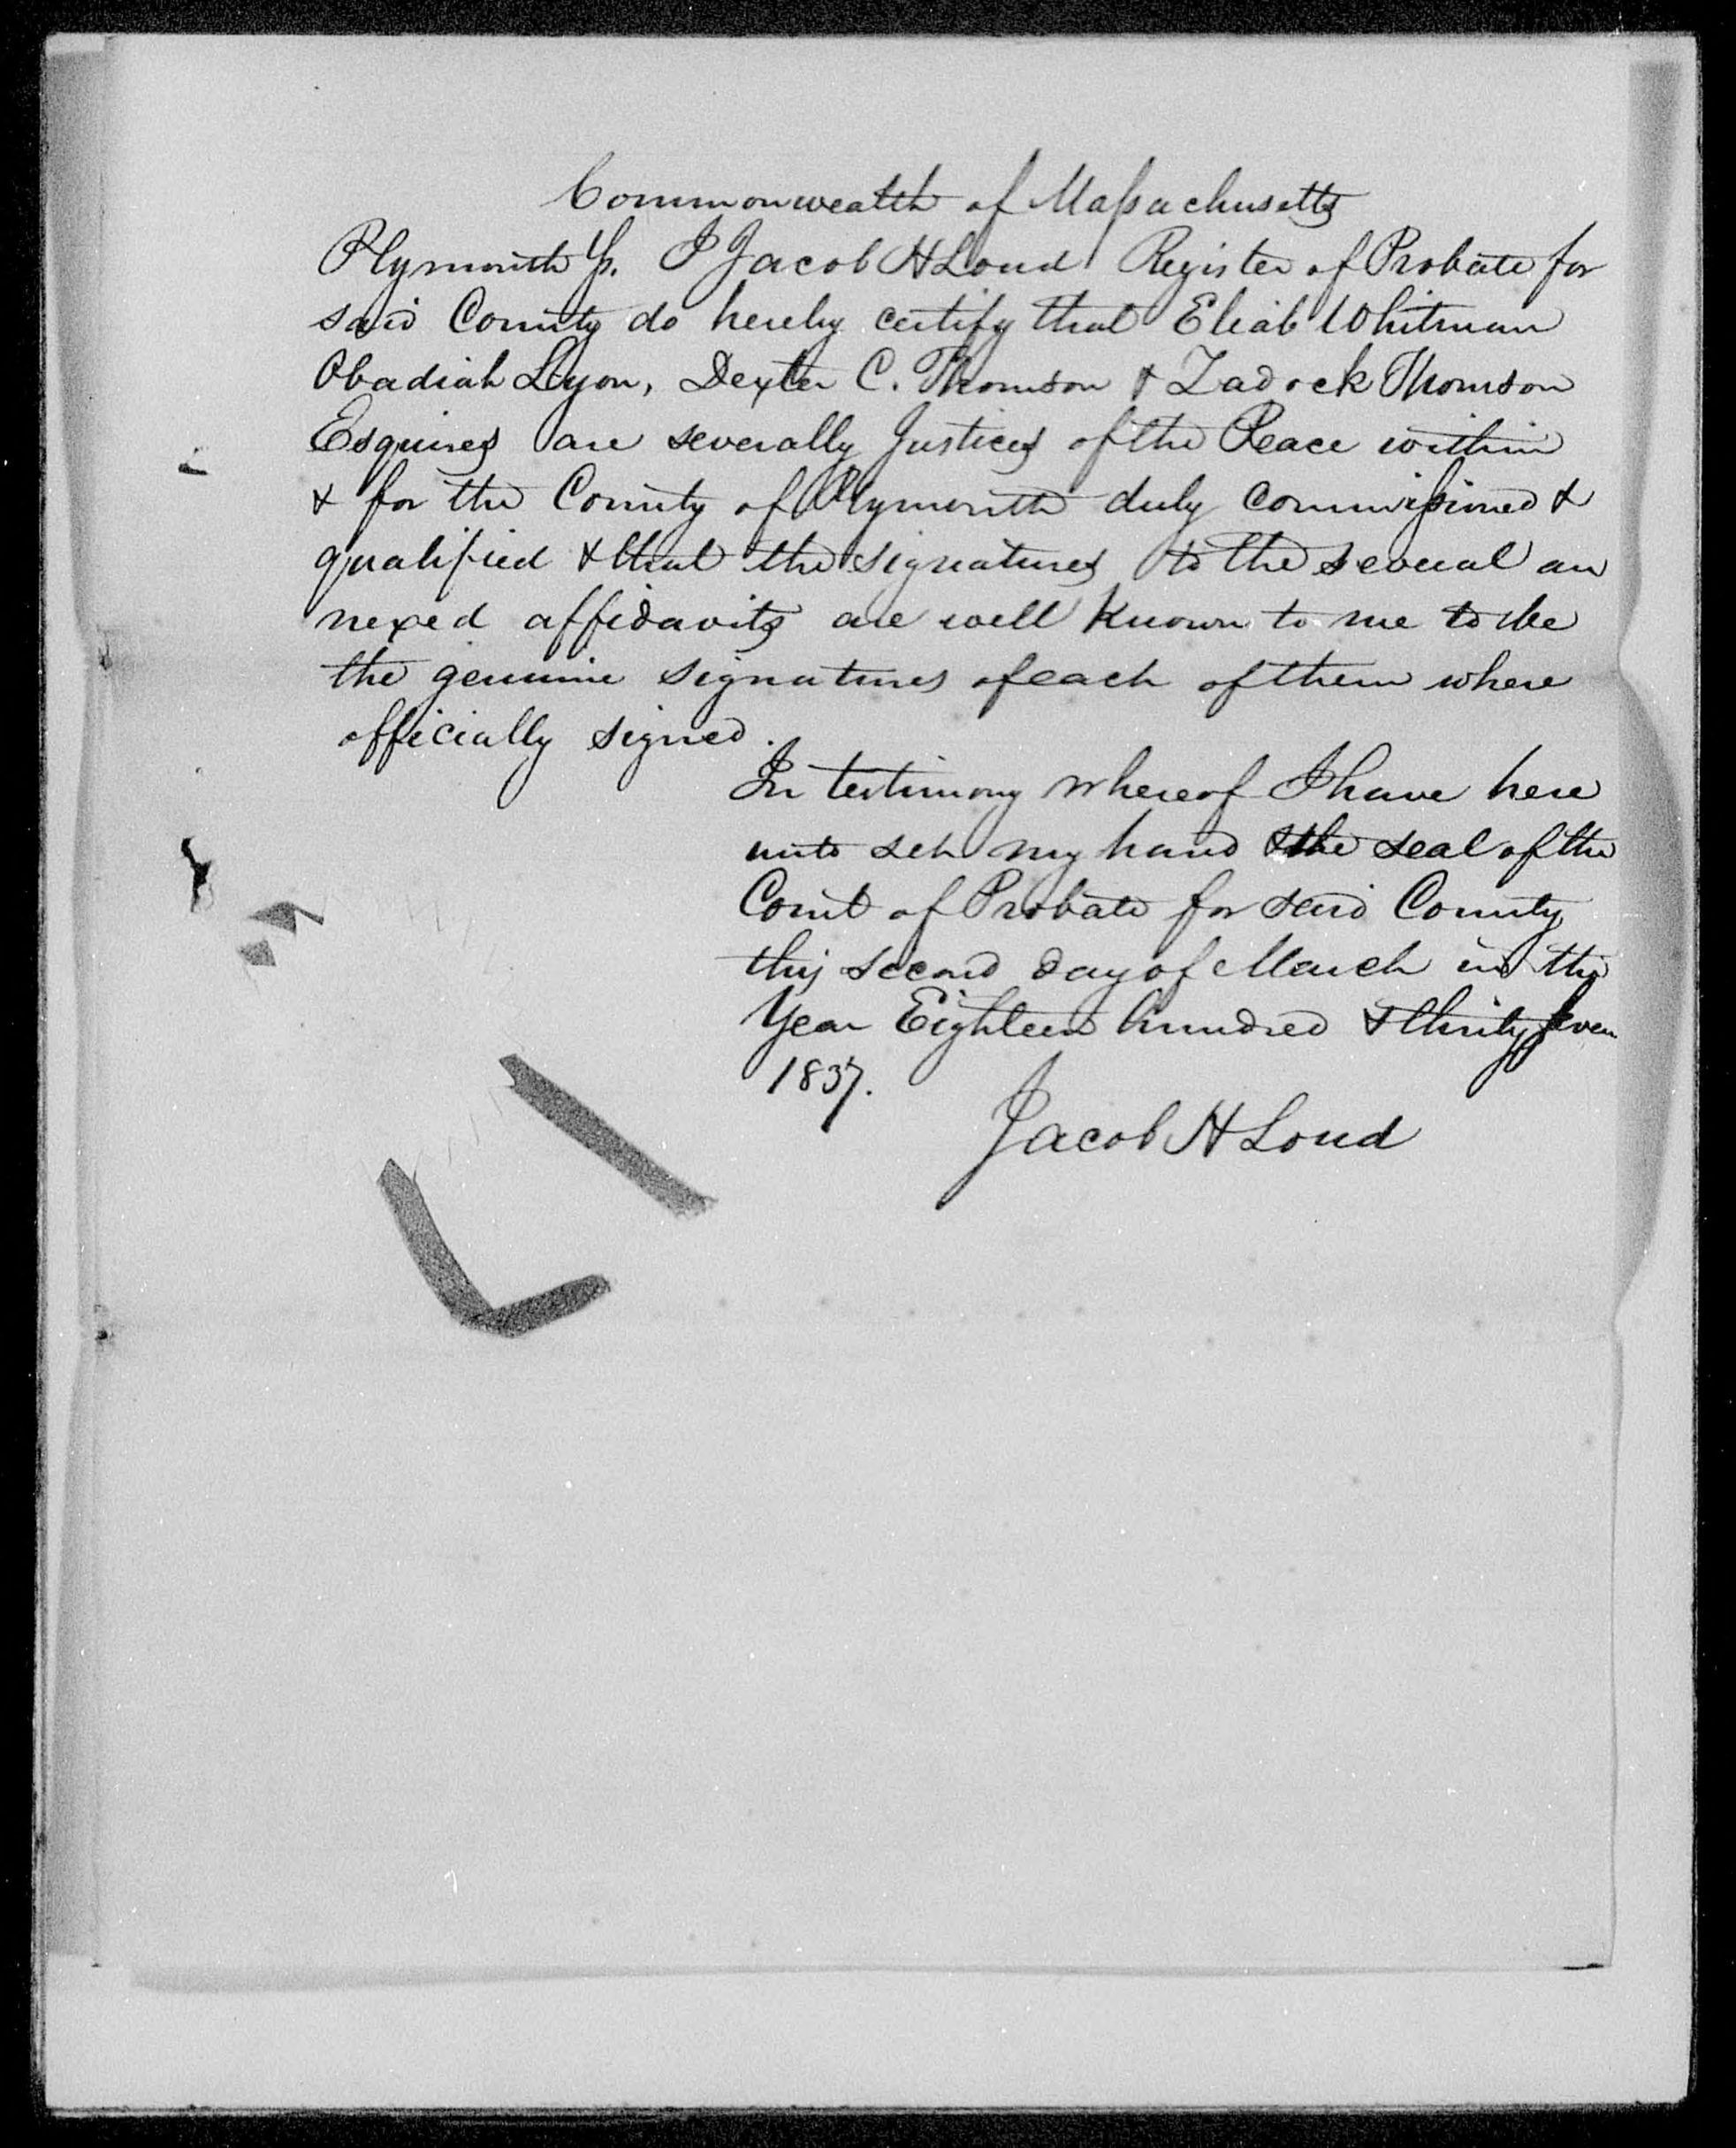Commonwealth of Massachusetts
Plymouth. I Jacob H. Loud Register of Probate for said County do hereby certify that Eliab Whitman, Obadiah Lyon, Dexter C. Thomson and Zadock Thomson, Esquired are severally Justices of the Peace within and for the County of Plymouth duly commissioned and qualified and that the signatures to the several and mixed affidavits are well known to me to be the genuine signatures of each of them where signed.
In testimony whereof I have here unto set my hand and the seal of the Court of Probate for said County this second day of March in the Year Eighteen hundred and thirty seven 1837.
Jacob H. Loud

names: Obadiah Lyon, Zadock Thomson, Jocob H Loud, Dexter C Thomson, Jacob H Loud, Eliab Whitman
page: 33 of 47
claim: widow's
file: W. 14703, Elisha Faxon, Mass